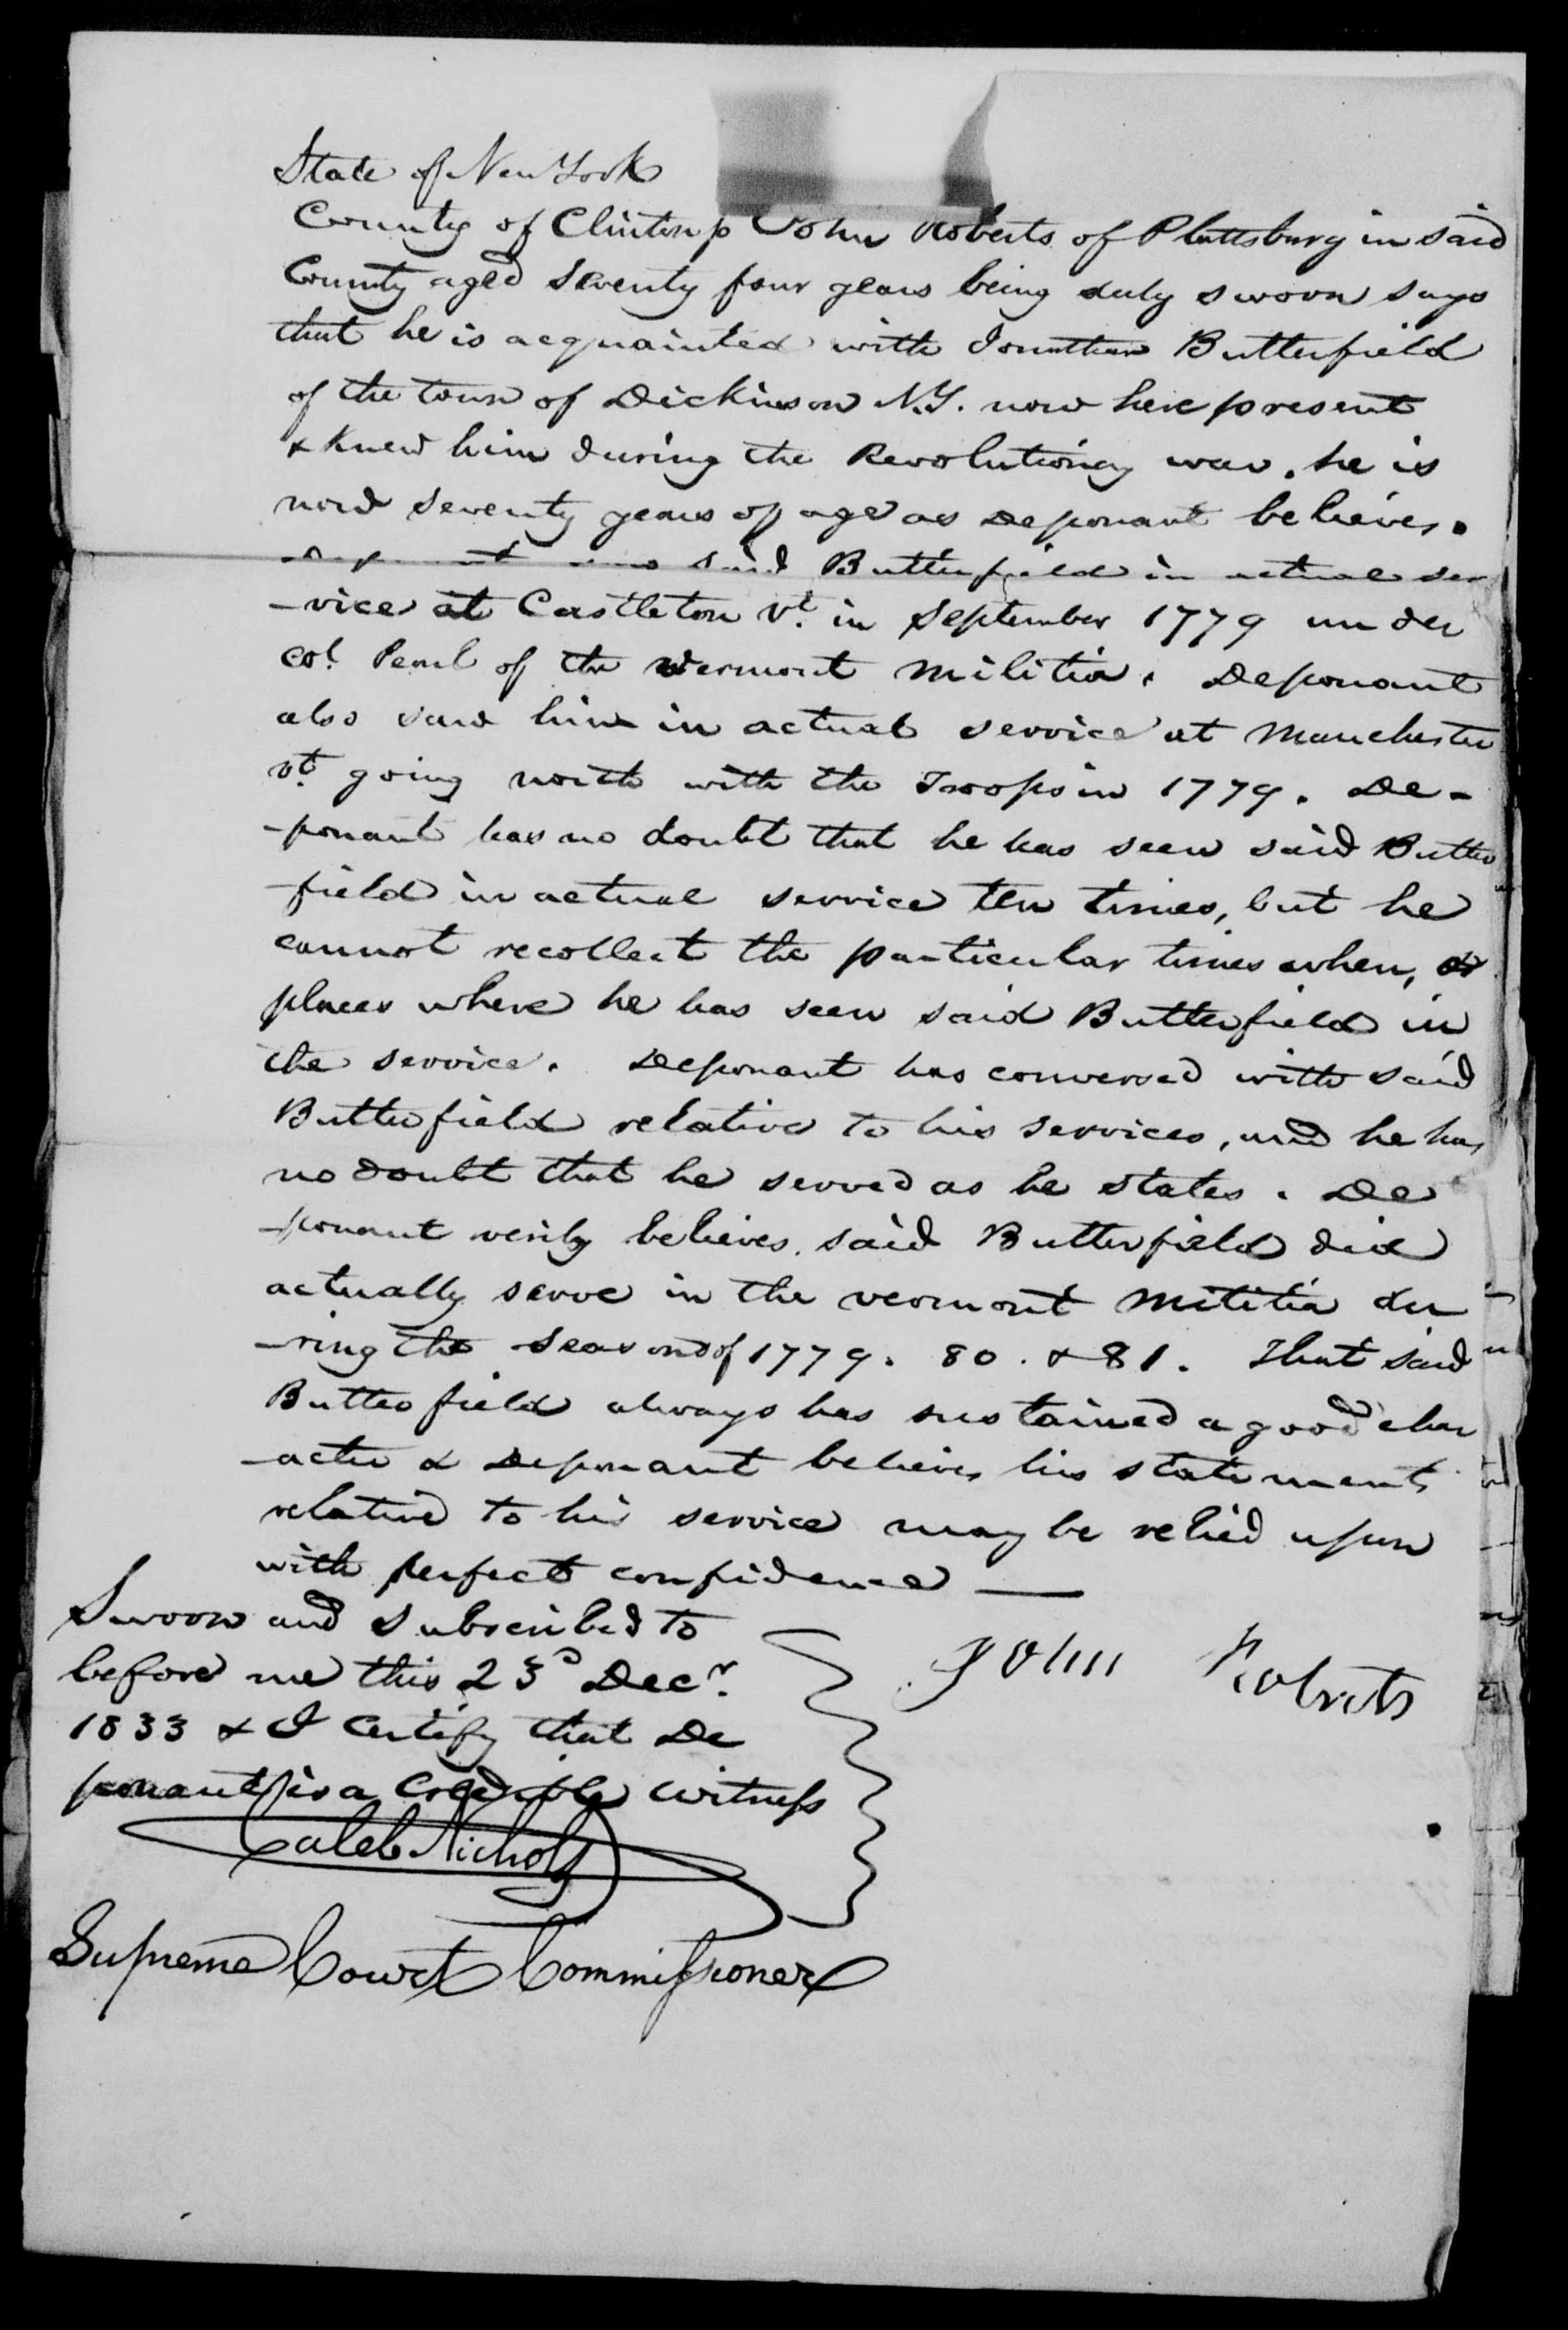State of New York
County of Clinton 
John Roberts of Plattsburg in said County aged Seventy four years being duly sworn says that he is acquainted with Jonathan Butterfield of the town of Dickinson N. Y. now here present & knew him during the Revolutionary war, he is now seventy years of age as deponent believes.
deponent saw said Butterfield in real service at Castleton Vt in September 1779 under Col Pearl of the Vermont militia. Deponent also saw him in actual service at Manchester going north with the Troops in 1779. Deponent has no doubt that he has seen said Butterfield in actual service the times, but he cannot recollect the particular times when
places where he has seen said Butterfield in
the service. Deponent has conversed with said
Butterfield relative to his services, and he has
no doubt that he served as he states. Deponent verily believes said Butterfield did actually serve in the Vermont militia during the season of 1779.80 & 81. That said Butterfield always has sustained a good character & deponent believes his statement
relative to his service may be relied upon with perfect confidence.
                                     John Roberts

Sworn and subscribed to before me this 23d December 1833 & I certify that John
Roberts is a credible witness.
                                     Caleb Nichol

Supreme Court Commissioner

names: Butterfield, Caleb Nichols, Butterfield, Butterfield, Butterfield, Jonathan Butterfield, Butterfield, John Roberts, Butterfield, John Roberts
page: 15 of 40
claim: rejected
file: R. 1558, Jonathan Butterfield, Mass. Vt.